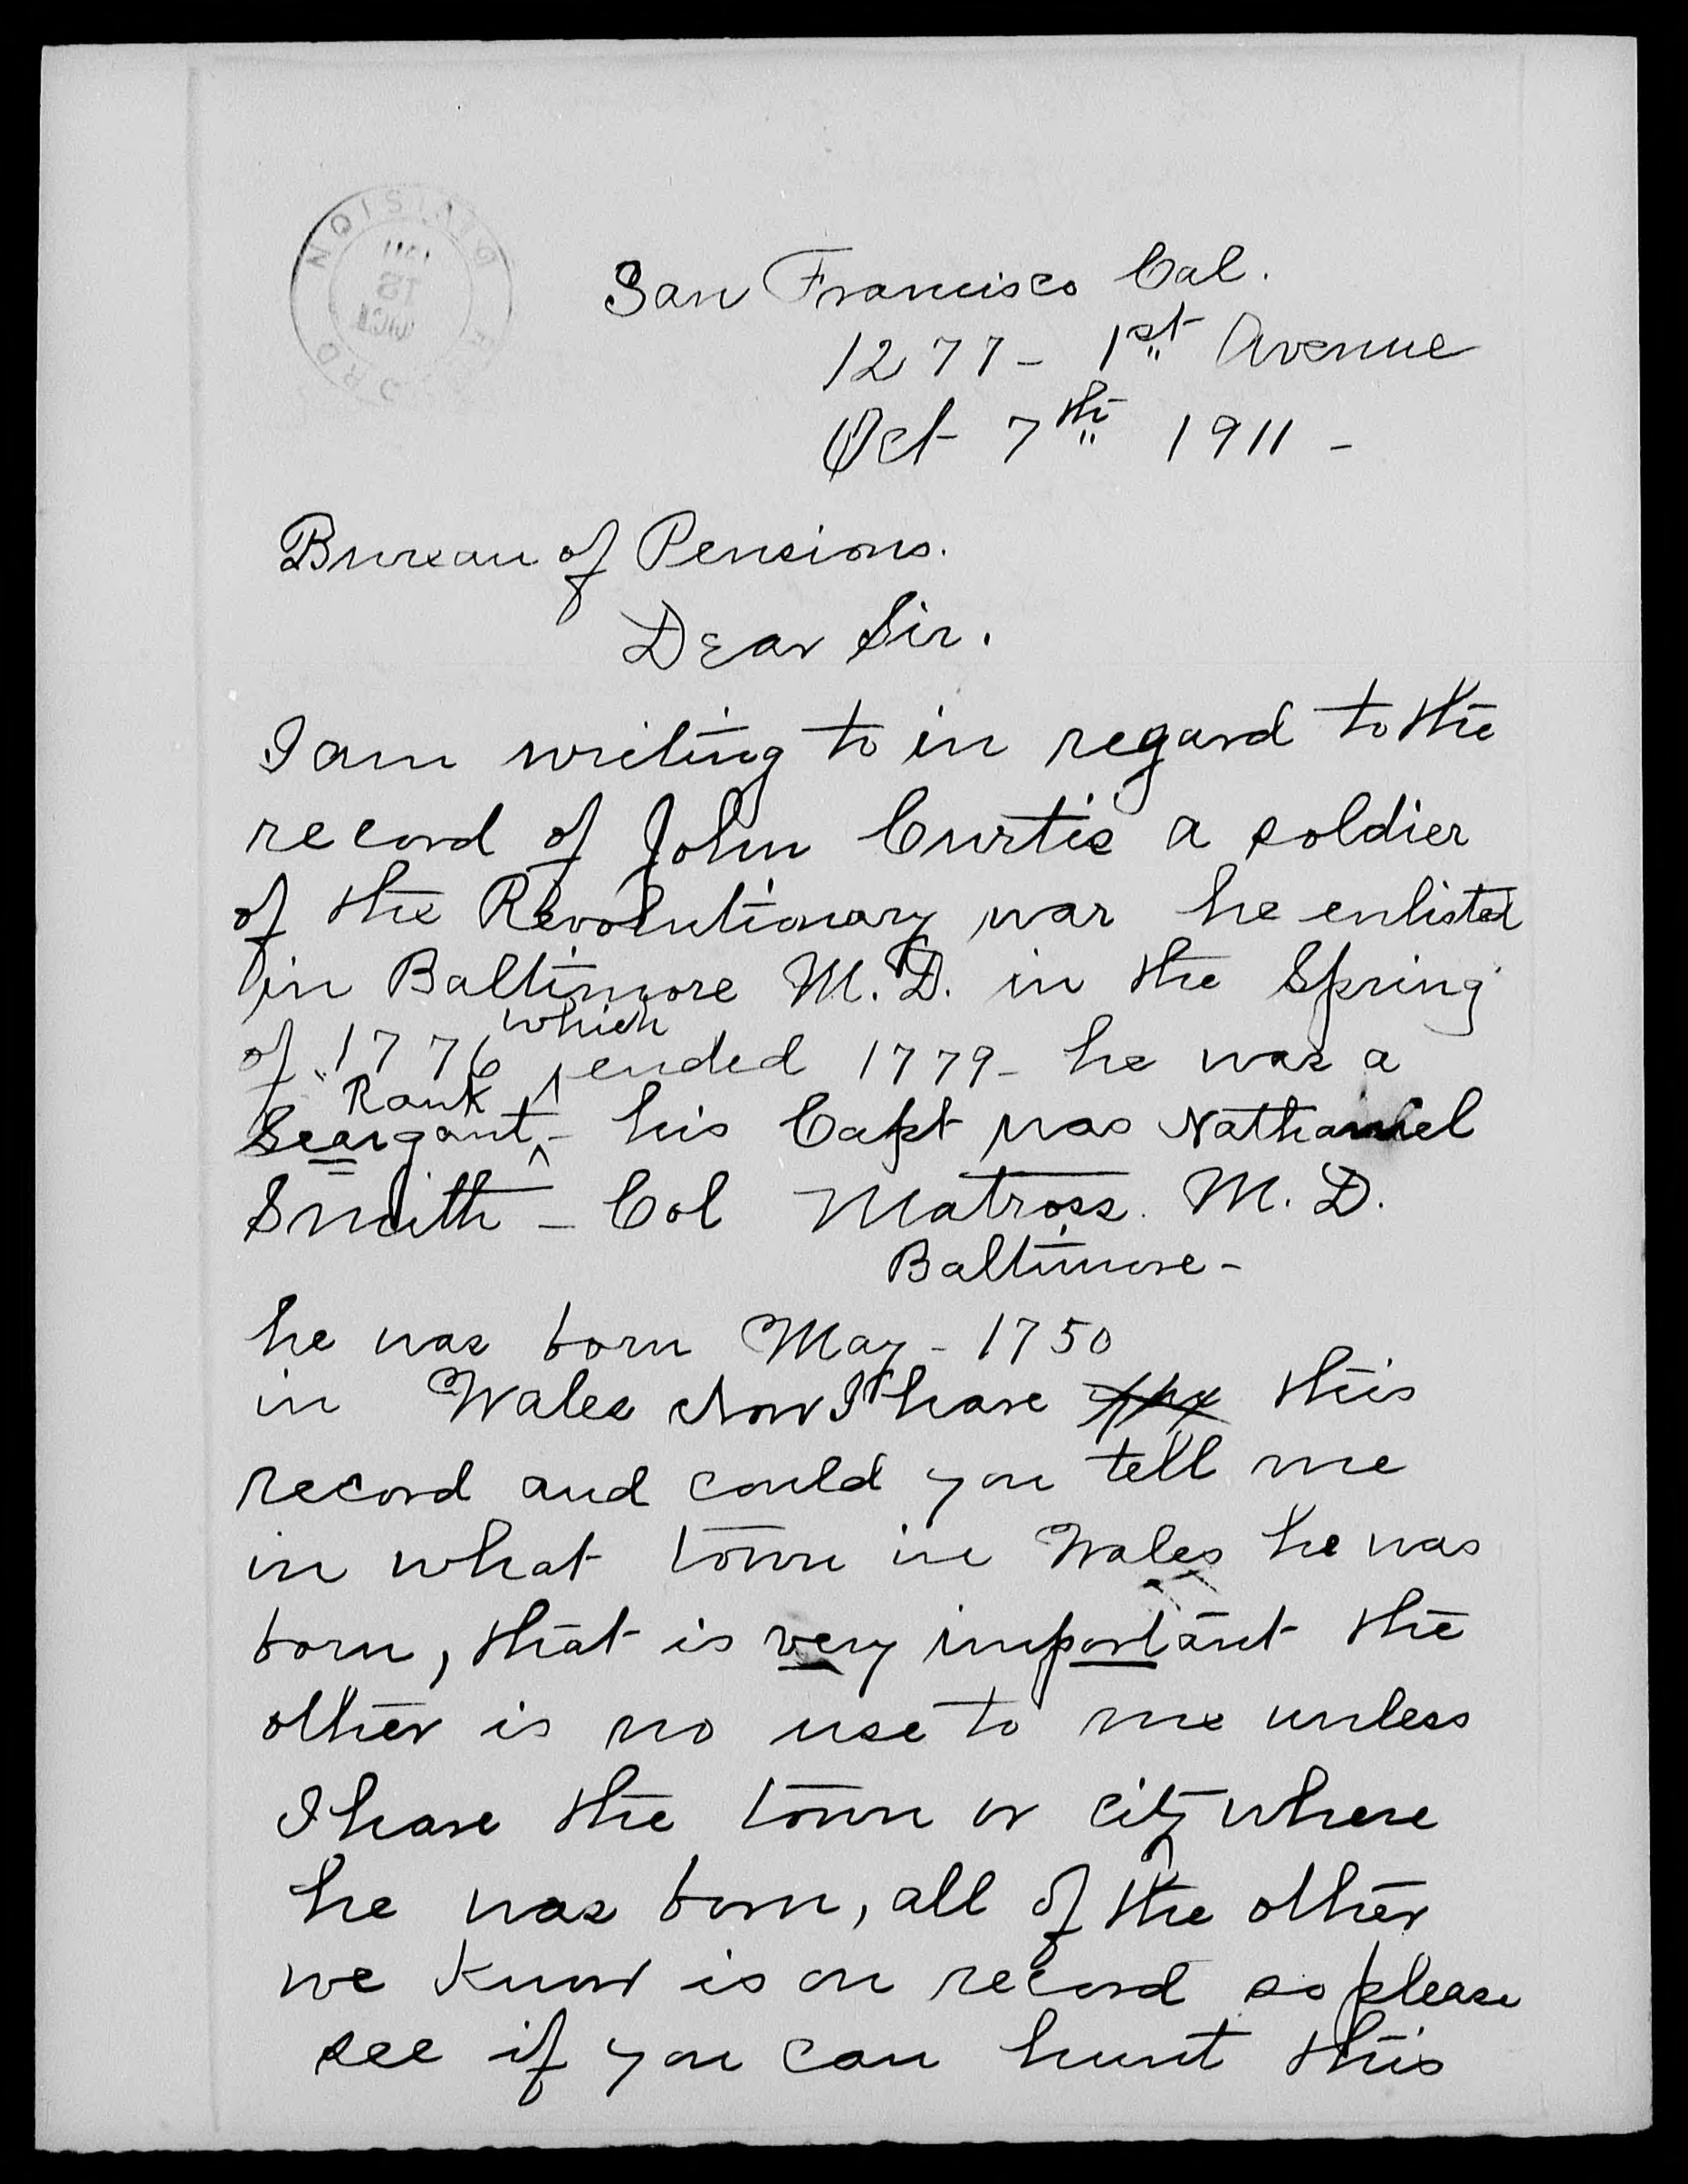[round date stamp]  
RECORD DIVISION  OCT 12 [ILLEGIBLE] 
[END STAMP]

San Francisco Cal.
127 - 1st Avenue
Oct 7th 1911 -
Bureau of Pensions
Dear Sir
I am writing to in regard to the record of John Curtis a soldier of the Revolutionary war he enlisted in Baltimore M.D. in the Spring of 1776 which ended 1779, he was a (rank) Sergeant his Capt was Nathaniel Smith - Col Matross. Baltimore - M.D.  
he was born May - 1750 Wales Now I have this record and could you tell me in what town in Wales he was born, that is very important the other is no use to me unless I have the town or city where he was born, all of the other we know is on record so please see if you can hunt this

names: Matross, Nathaniel Smith, John Curtis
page: 19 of 26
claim: survivor's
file: S. 34,725, John Curtis, Md.